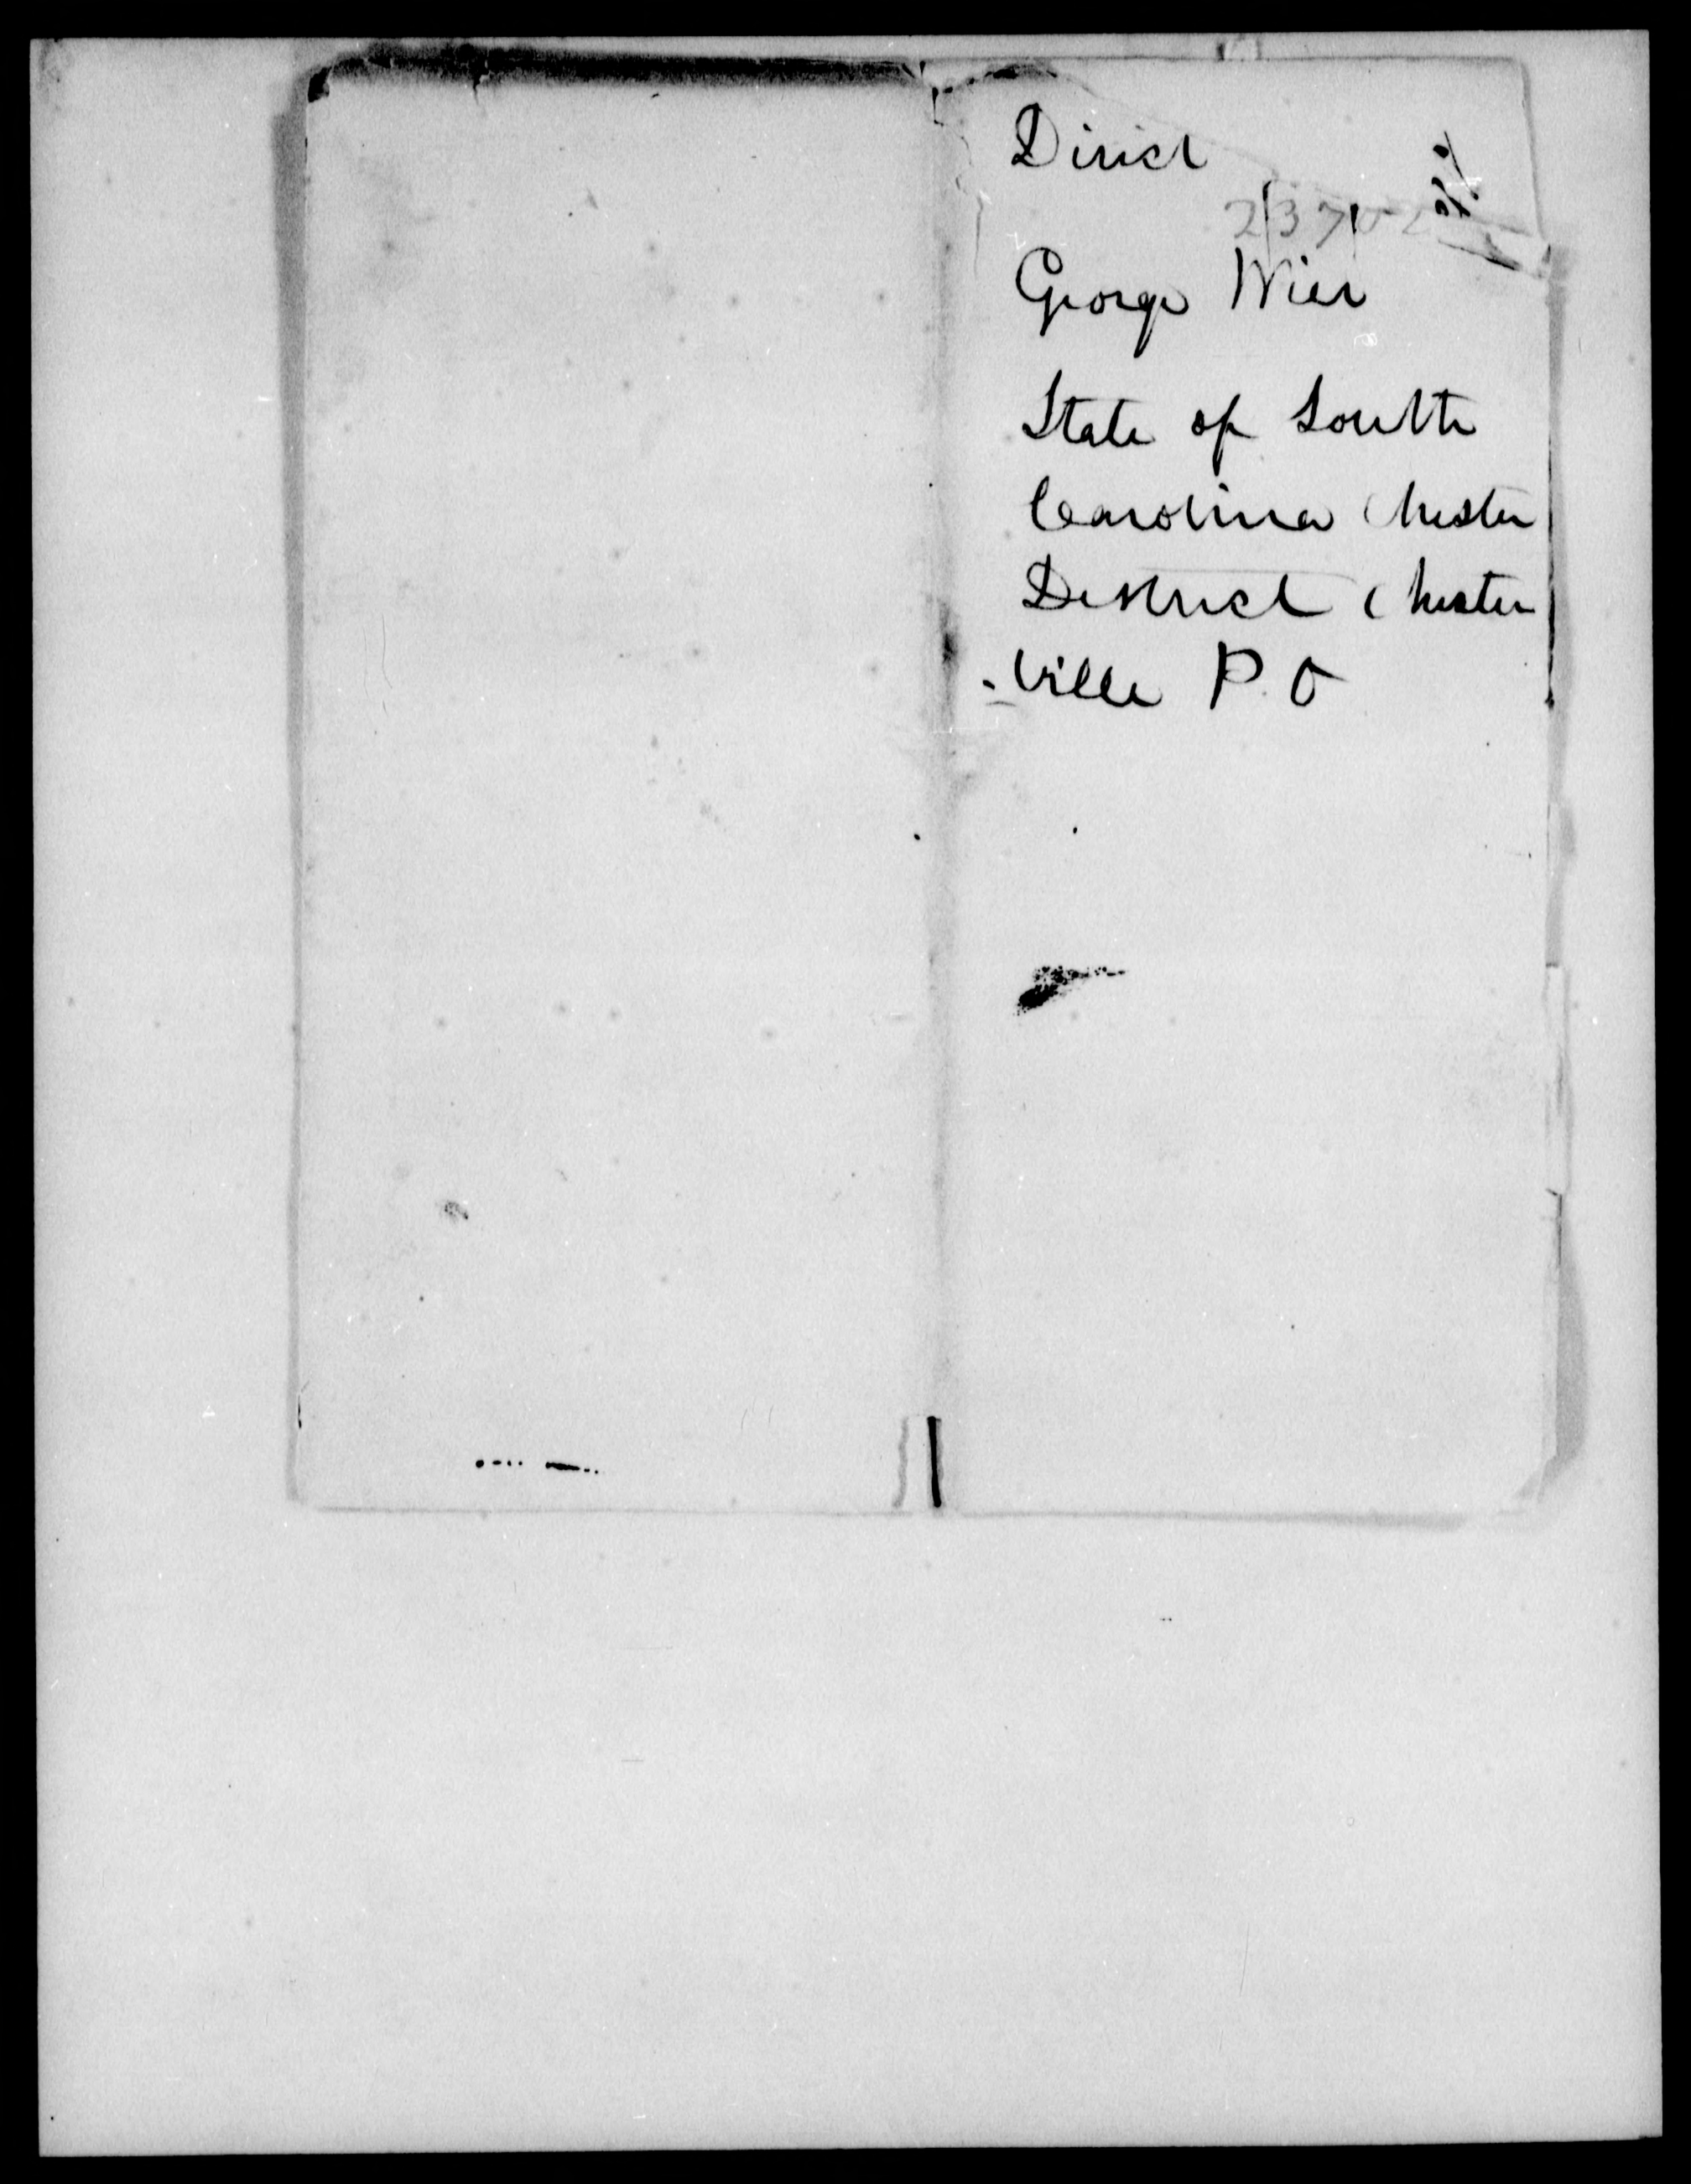Direct
2371
George Wier
State of South Carolina
Chester District 
Chester Ville P.O.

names: George Wier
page: 11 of 22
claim: survivor's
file: S. 9528, George Weir, S.C.